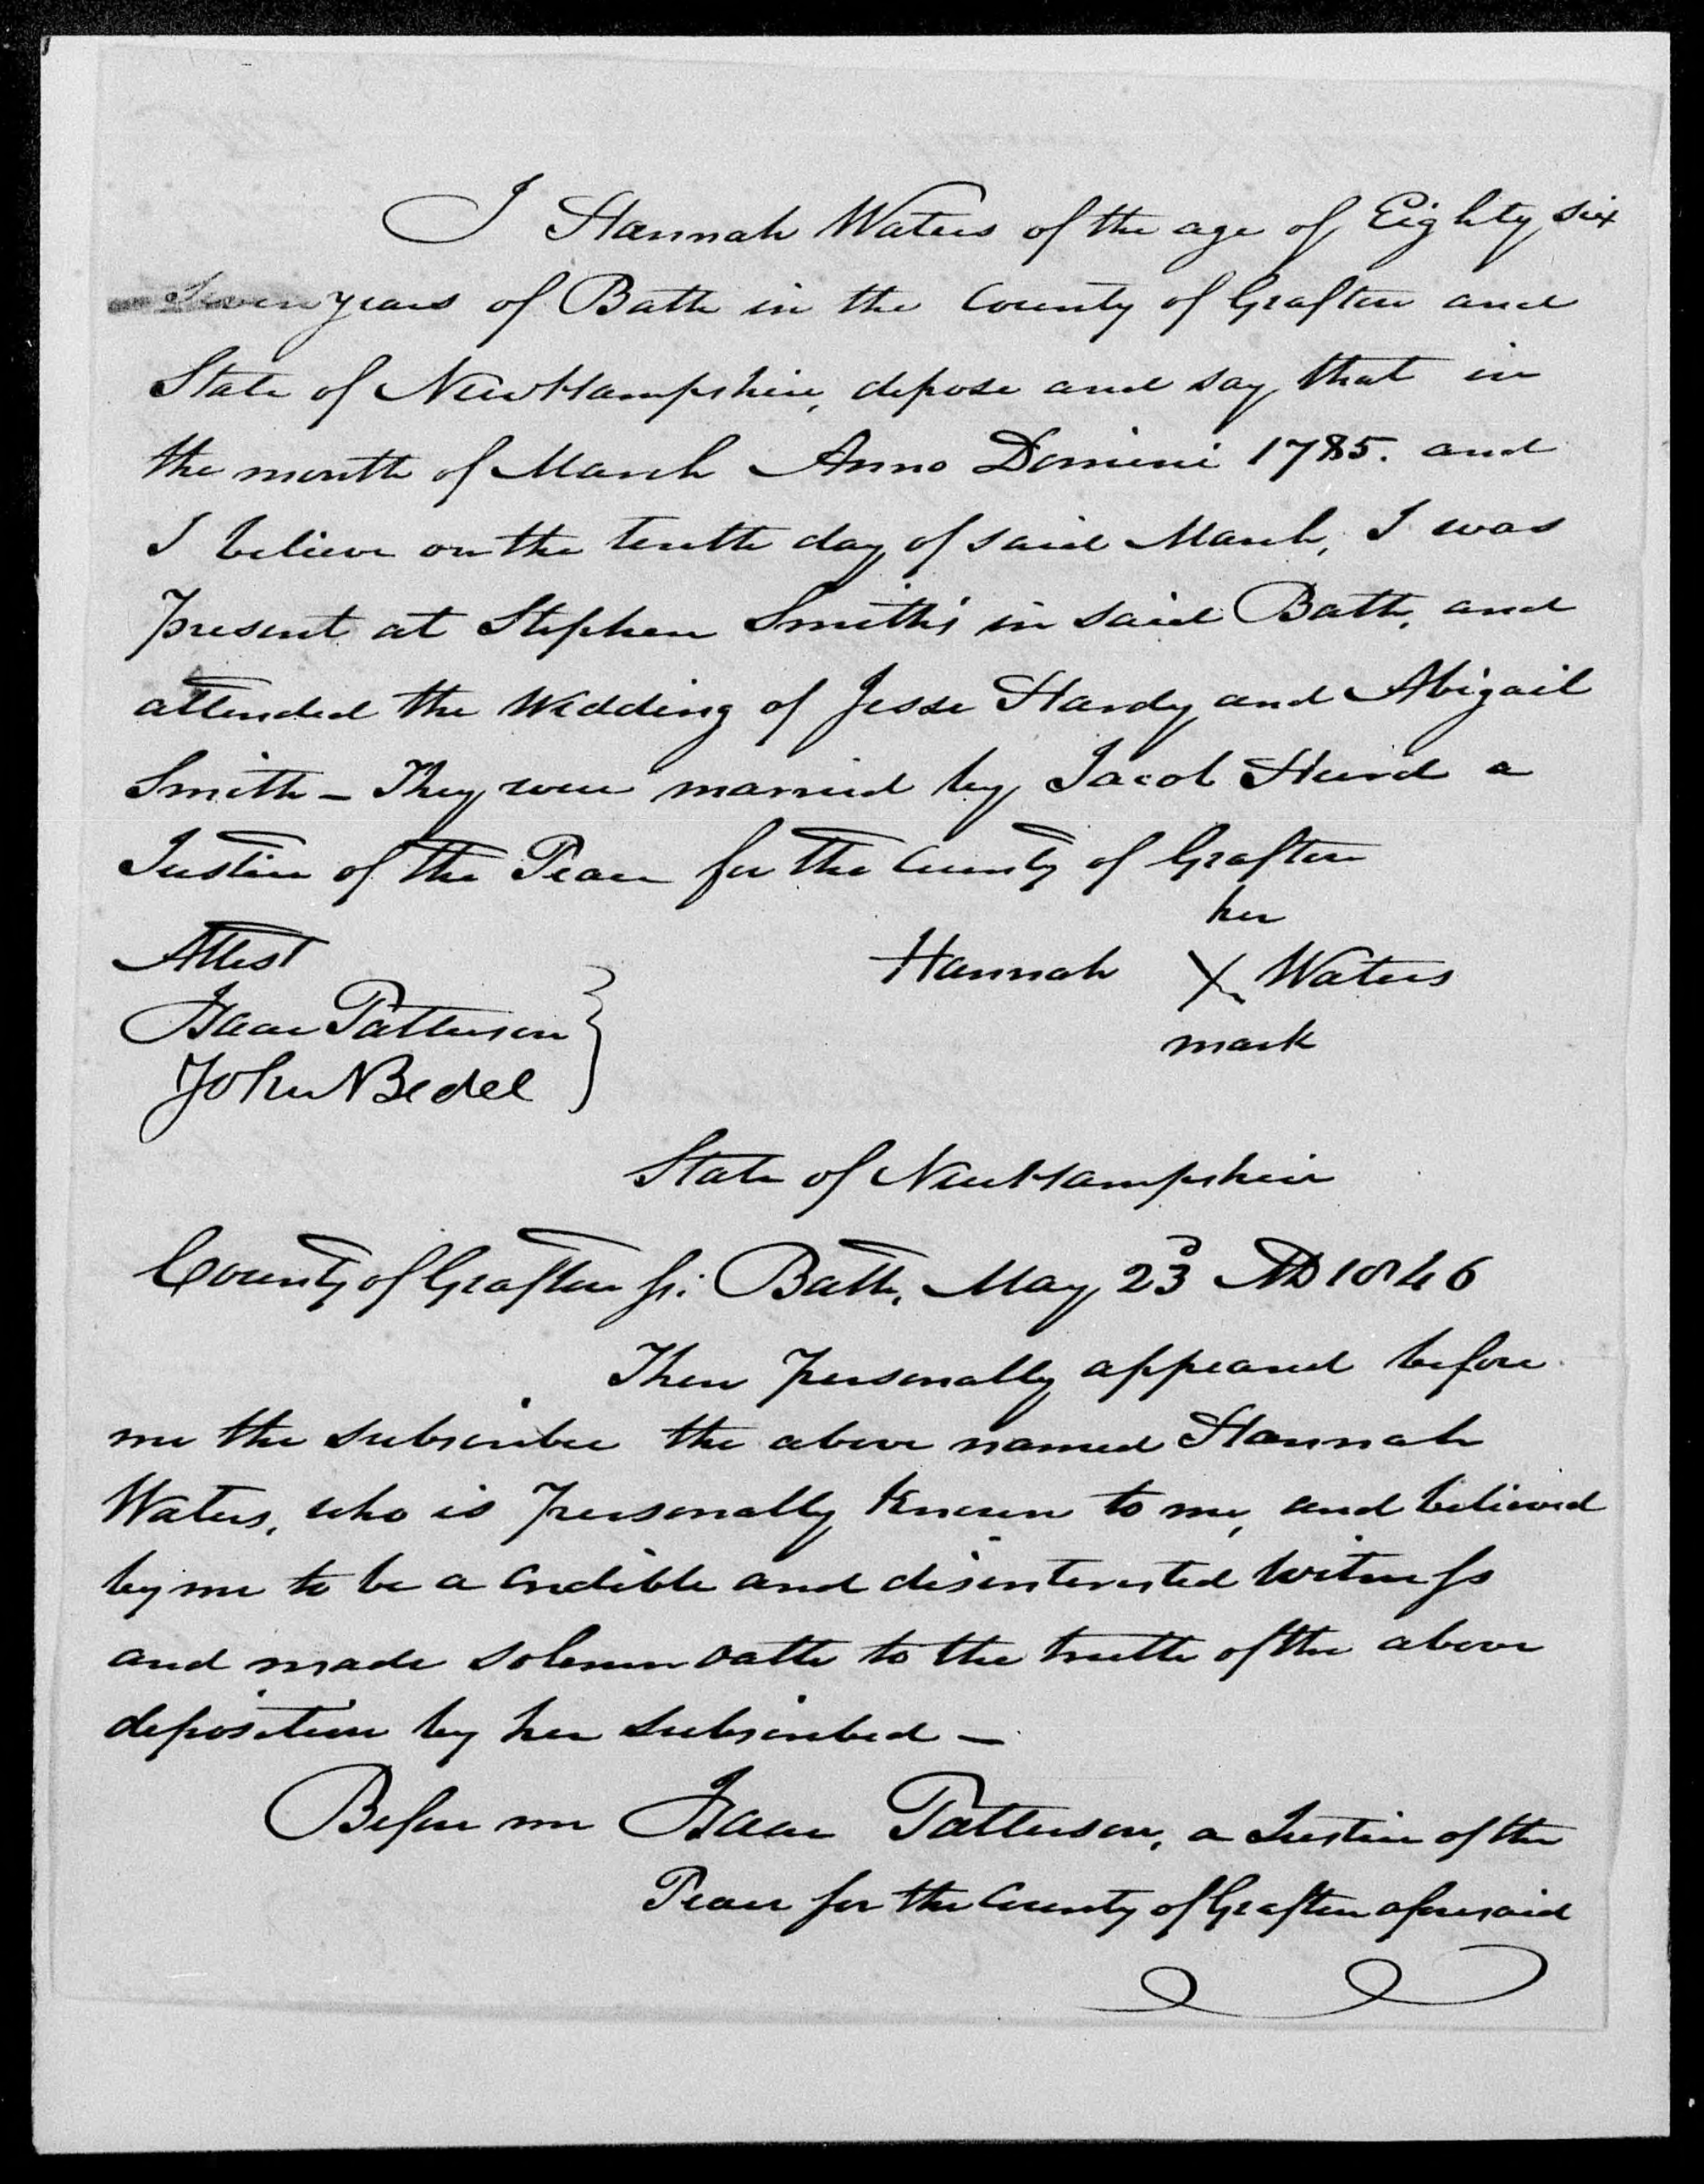I Hannah Waters of the age of Eighty six Seven years of Bath in the County of Grafton and State of New Hampshire depose and say that in the month of March Anno Domini 1785 and I believe on the tenth day of said March, I was present at Stephen Smith's in said Bath, and attended the wedding of Jesse Hardy and Abigail Smith-- They were married by Jacob Hand a Justice of the Peace for the County of Grafton Attest Isaac Patterson John Bedel Hannah Waters her X mark 
State of New Hampshire County of Grafton ss. Bath May 23d AD 1846 
Then personally appeared before me the subscribed the above named Hannah Waters, who is personally known to me and believed by me to be a credible and disinterested witness and made solemn oath to the truth of the above deposition by her subscribed- Before me Isaac Patterson, a Justice of the Peace for the County of Grafton aforesaid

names: Hannah Waters, John Bedel, Stephen Smith, Abigail Smith, Hannah Waters, Jacob Hurd, Isaac Patterson, Isaac Patterson, Hannah Waters, Jesse Hardy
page: 39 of 67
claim: widow's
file: W. 23183, Jesse Hardy, Mass.